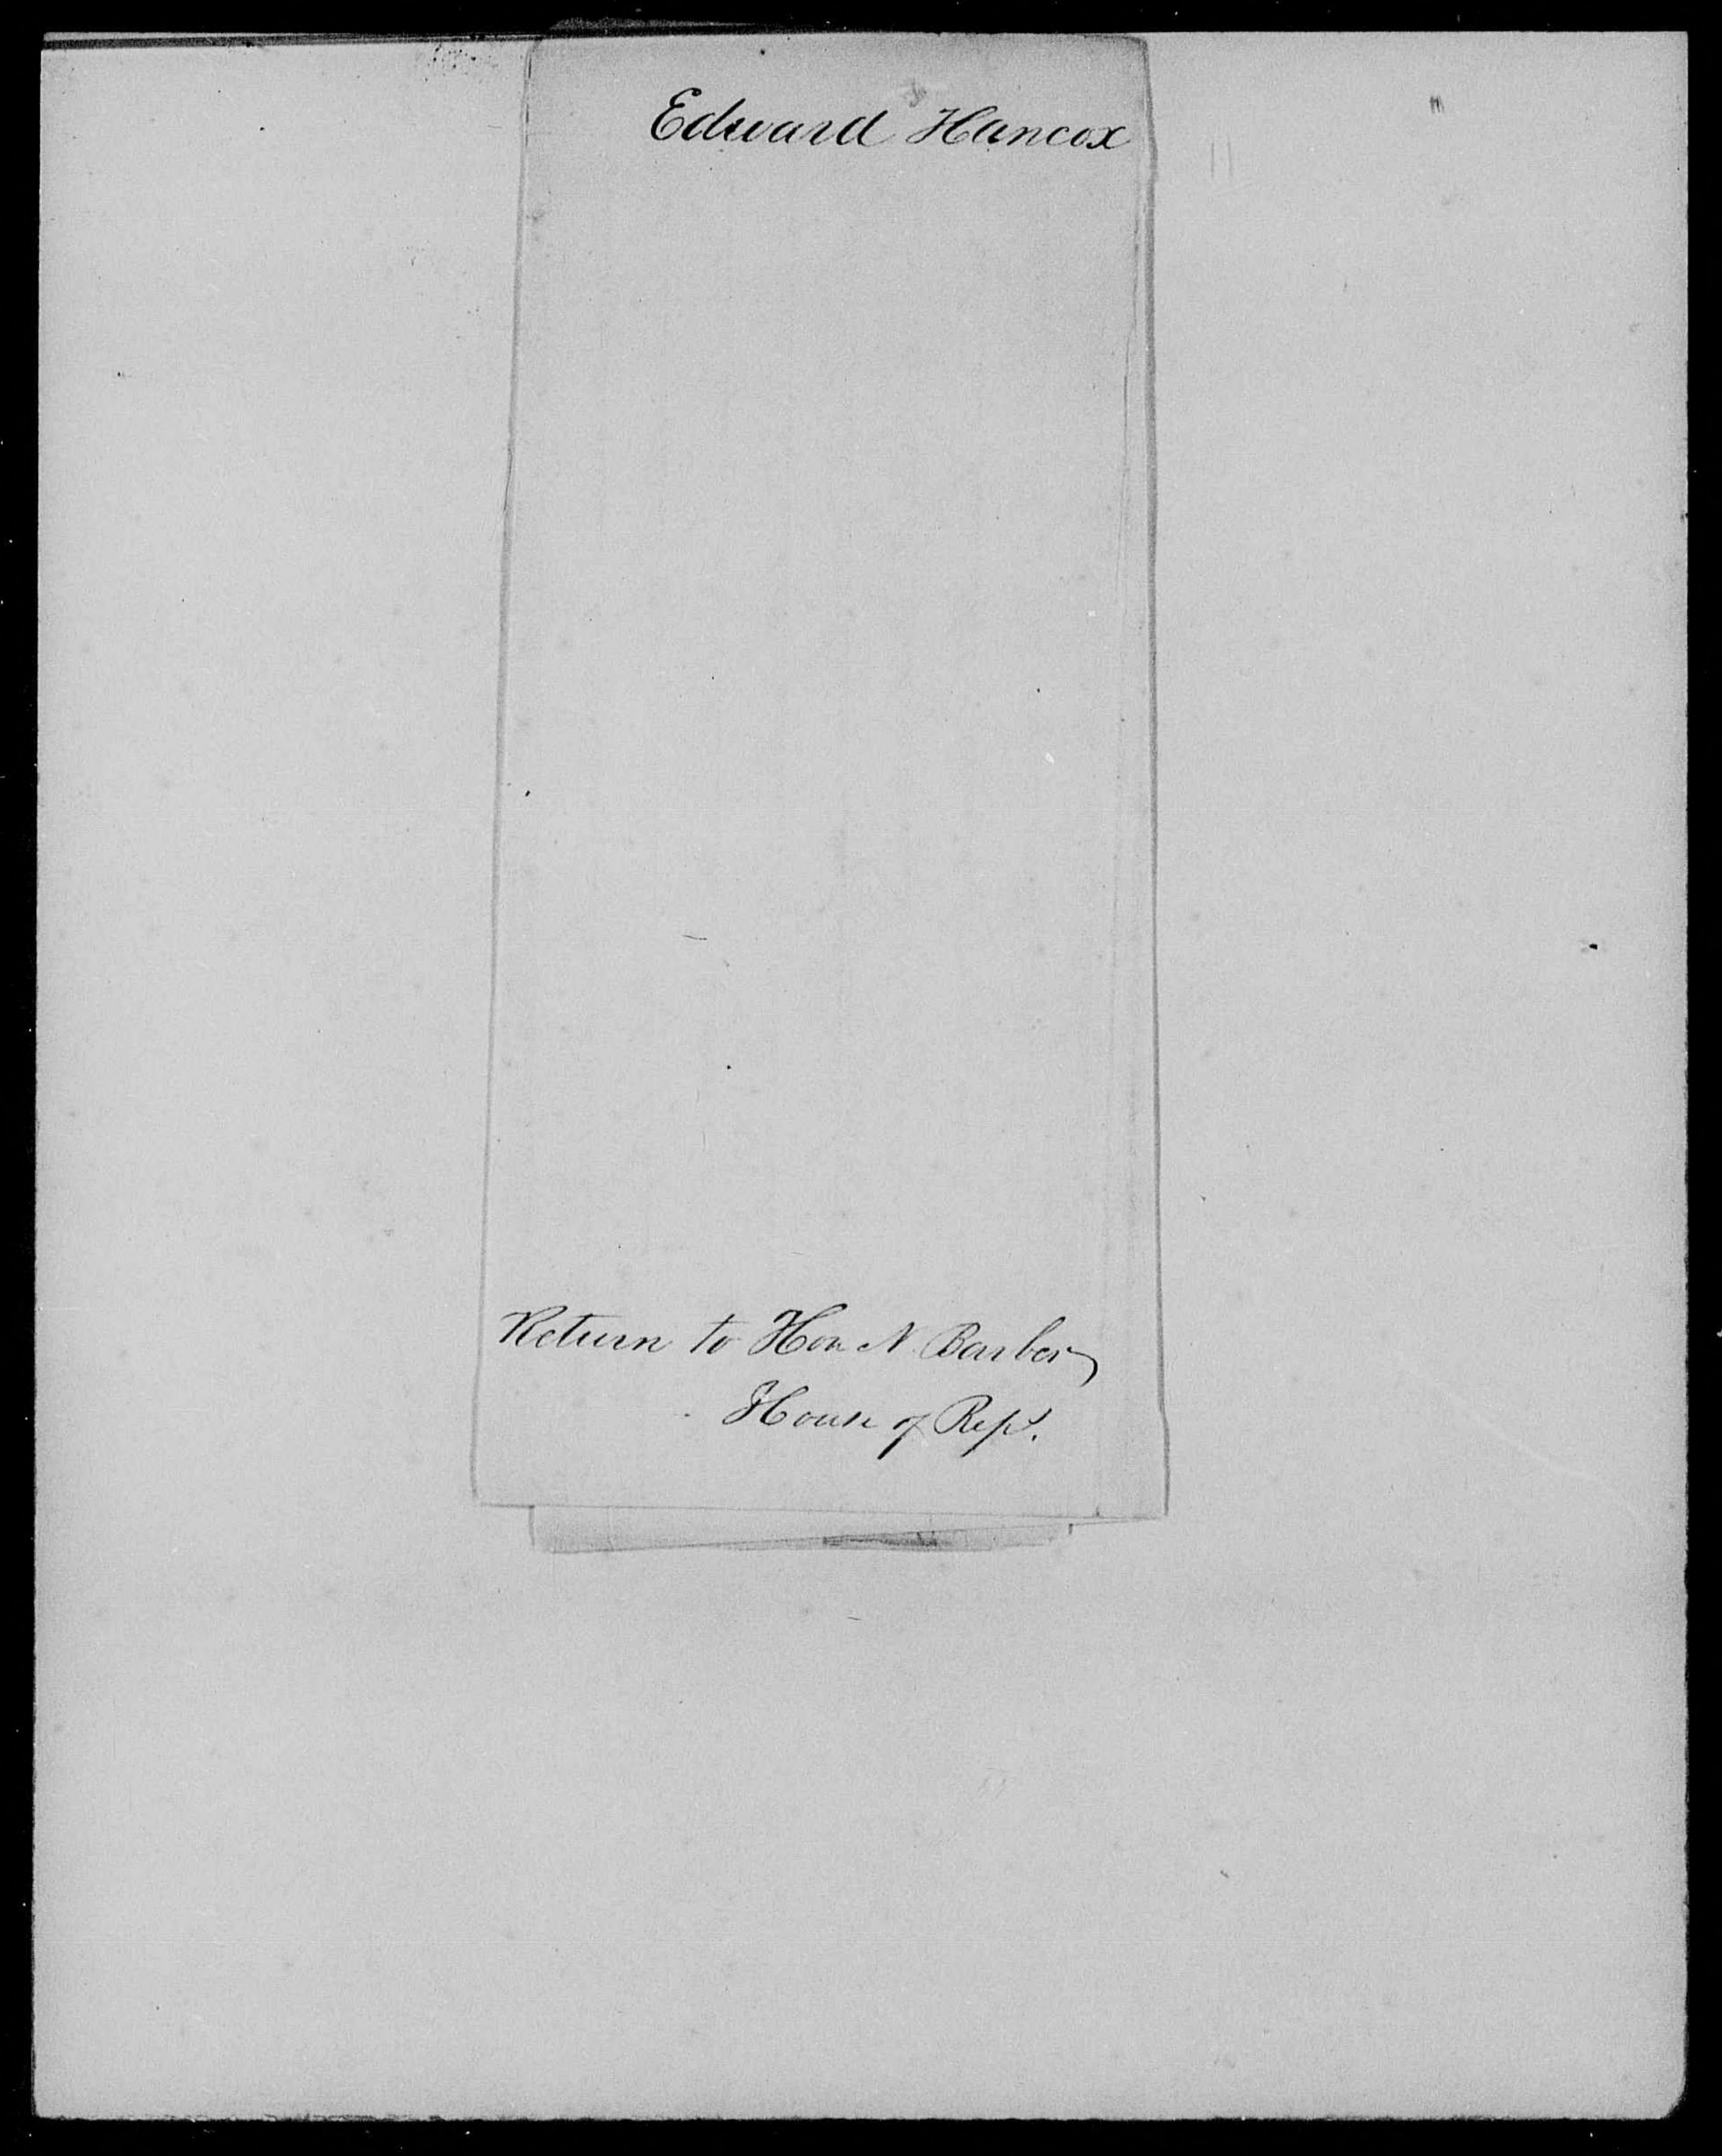Edward Hancox

Return to Hon N. Barber 
House of Rep.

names: N Barber, Edward Hancox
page: 20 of 26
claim: survivor's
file: S. 16843, Edward Hancox, Conn.